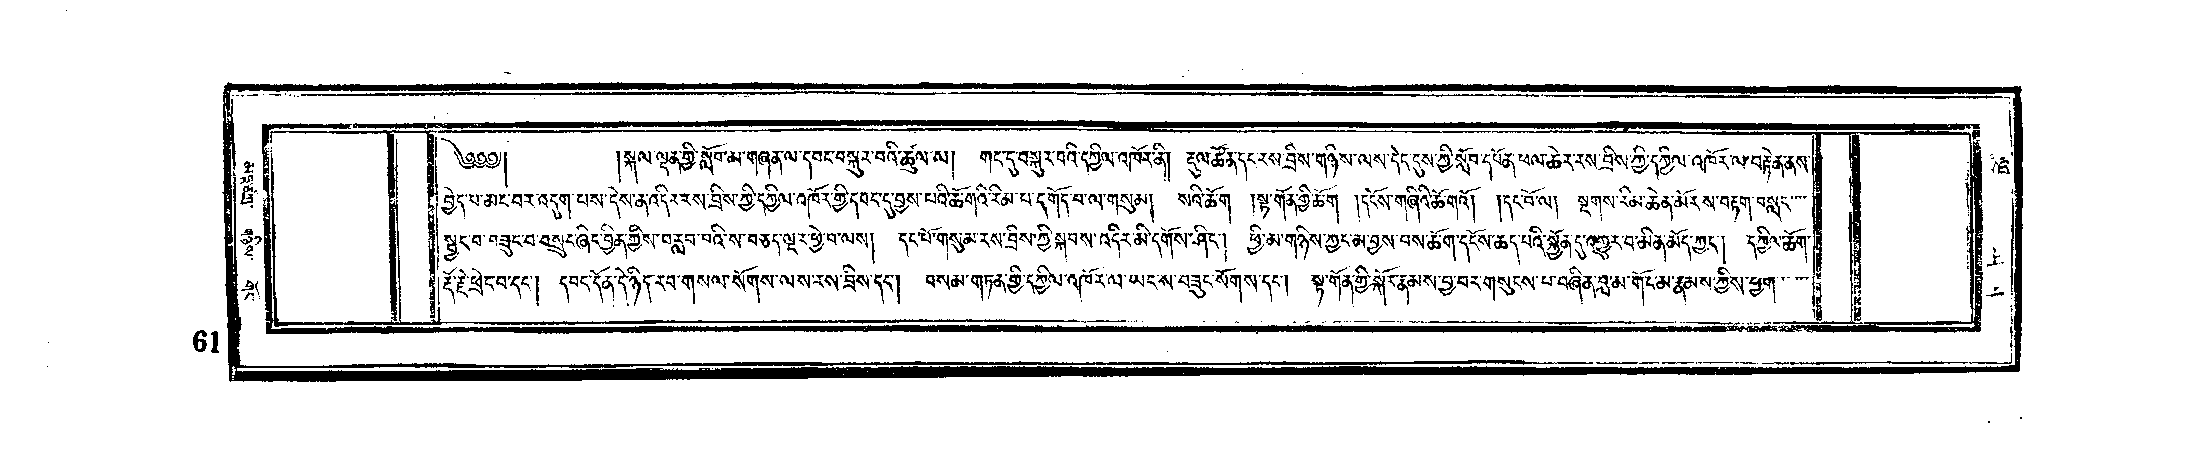༄༅། །སྐལ་ལྡན་གྱི་སློབ་མ་གཞན་ལ་དབང་བསྐུར་བའི་ཚུལ་ལ། གང་དུ་བསྐུར་བའི་དཀྱིལ་འཁོར་ནི། རྡུལ་ཚོན་དང་རས་བྲིས་གཉིས་ལས་དེང་དུས་ཀྱི་སློབ་དཔོན་ཕལ་ཆེར་རས་བྲིས་ཀྱི་དཀྱིལ་འཁོར་ལ་བརྟེན་ནས་
བྱེད་པ་མང་བར་འདུག་པས་དེས་ན་འདིར་རས་བྲིས་ཀྱི་དཀྱིལ་འཁོར་གྱི་དབང་དུ་བྱས་པའི་ཆོ་གའི་རིམ་པ་དགོད་པ་ལ་གསུམ། སའི་ཆོ་ག །སྟ་གོན་གྱི་ཆོ་ག །དངོས་གཞིའི་ཆོ་གའོ། །དང་པོ་ལ། སྔགས་རིམ་ཆེན་མོར་ས་བརྟག་བསླང་
སྦྱང་བ་བཟུང་བ་བསྲུང་ཞིང་བྱིན་གྱིས་བརླབ་པའི་ས་བཅད་ལྔར་ཕྱེ་བ་ལས། དང་པོ་གསུམ་རས་བྲིས་ཀྱི་སྐབས་འདིར་མི་དགོས་ཤིང་། ཕྱི་མ་གཉིས་ཀྱང་མ་བྱས་པས་ཆོ་ག་དངོས་ཆད་པའི་སྐྱོན་དུ་འགྱུར་བ་མིན་མོད་ཀྱང་། དཀྱིལ་ཆོག་
རྡོ་རྗེ་ཕྲེང་བ་དང་། དབང་དོན་དེ་ཉིད་རབ་གསལ་སོགས་ལས་རས་བྲིས་དང་། བསམ་གཏན་གྱི་དཀྱིལ་འཁོར་ལ་ཡང་ས་བཟུང་སོགས་དང་། སྟ་གོན་གྱི་སྐོར་རྣམས་བྱ་བར་གསུངས་པ་བཞིན་བླ་མ་གོང་མ་རྣམས་ཀྱིས་ཕྱག་